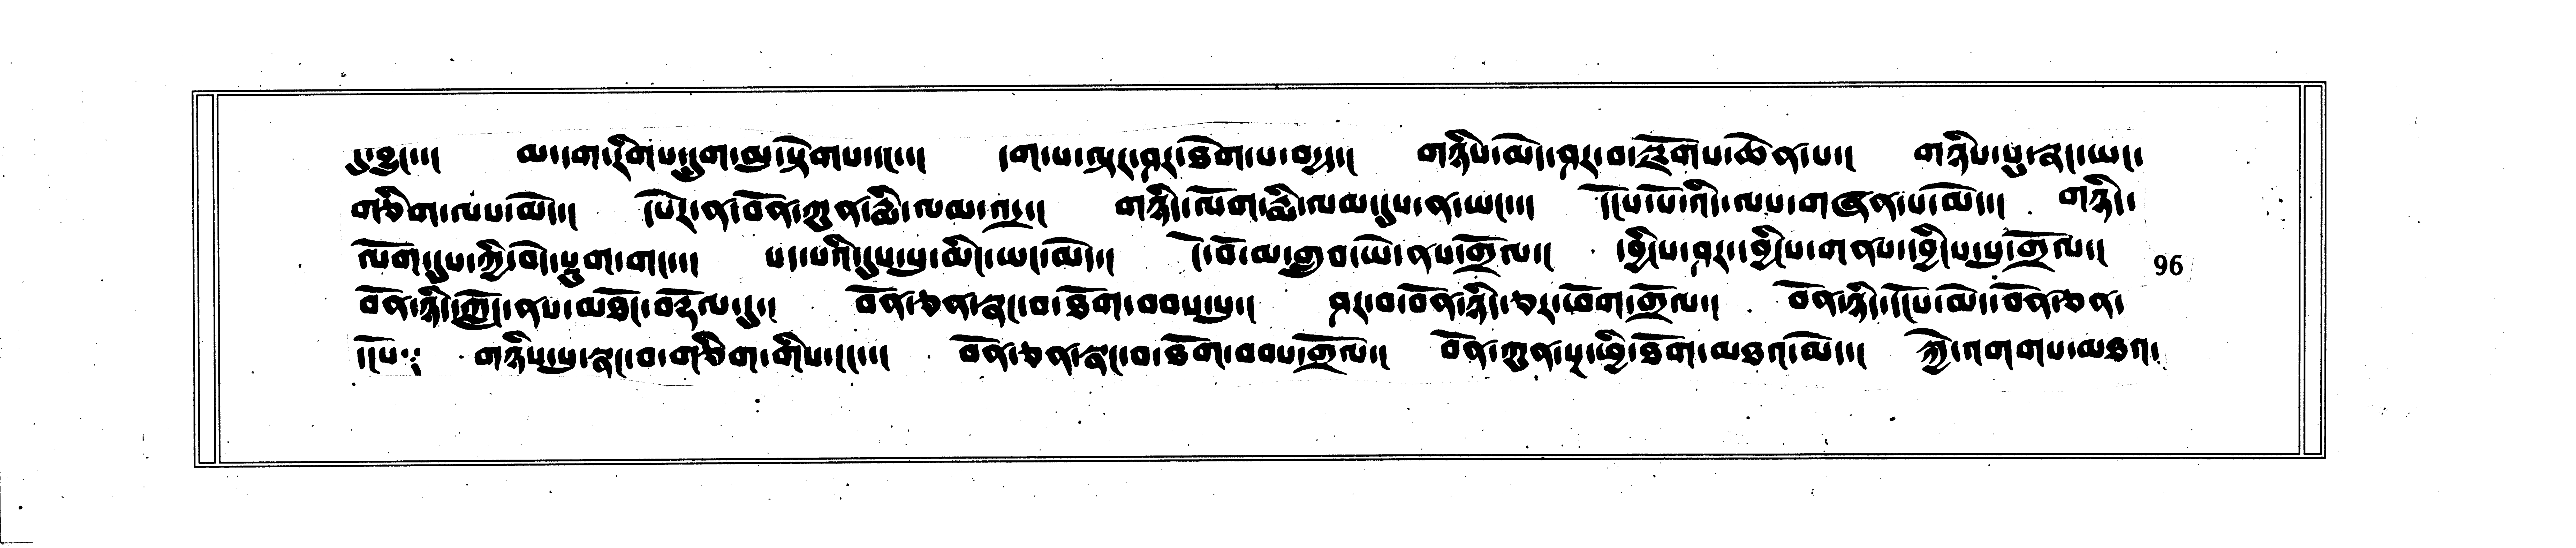དུ་བྱུང་། །མ་དག་རིགས་དྲུག་མུ་སྟེགས་དང་། །དག་པ་ལྟར་ཤར་ཐེག་པ་བརྒྱད། །གཉིས་མེད་ཤར་བ་རྫོགས་ཆེན་པ། །གཉིས་སུ་སྣང་ཡང་
གཅིག་ལས་མེད། །དཔེར་ན་བོན་ཀུན་རྨི་ལམ་འདྲ། །གཉིད་ལོག་རྨི་ལམ་དུས་ན་ཡང་། །དངོས་པོ་འདི་ལས་གཞན་པ་མེད། །གཉིད་
ལོག་དུས་ཀྱི་བདེ་སྡུག་གང་། །སད་པའི་དུས་སུ་མིང་ཡང་མེད། །ངོ་བོ་མ་གྲུབ་ཡེ་ནས་གྲོལ། །དབྱིངས་ཤར་དབྱིངས་གནས་དབྱིངས་སུ་གྲོལ། །
བོན་ཉིད་ཀློང་ནས་མཐོང་བརྡོལ་དུ། །བོན་ཅན་སྣང་བ་ཐོག་བབས་སུ། །ཤར་བ་བོན་ཉིད་ཅར་ཕོག་གྲོལ། །བོན་ཉིད་དངོས་མེད་བོན་ཅན་
དངོས། །གཉིས་སུ་སྣང་བ་གཅིག་གི་ངང་། །བོན་ཅན་སྣང་བ་ཐོག་བབས་གྲོལ། །བོན་ཀུན་སྔ་ཕྱི་ཐོག་མཐའ་མེད། །སྐྱེ་འགག་མཐའ་